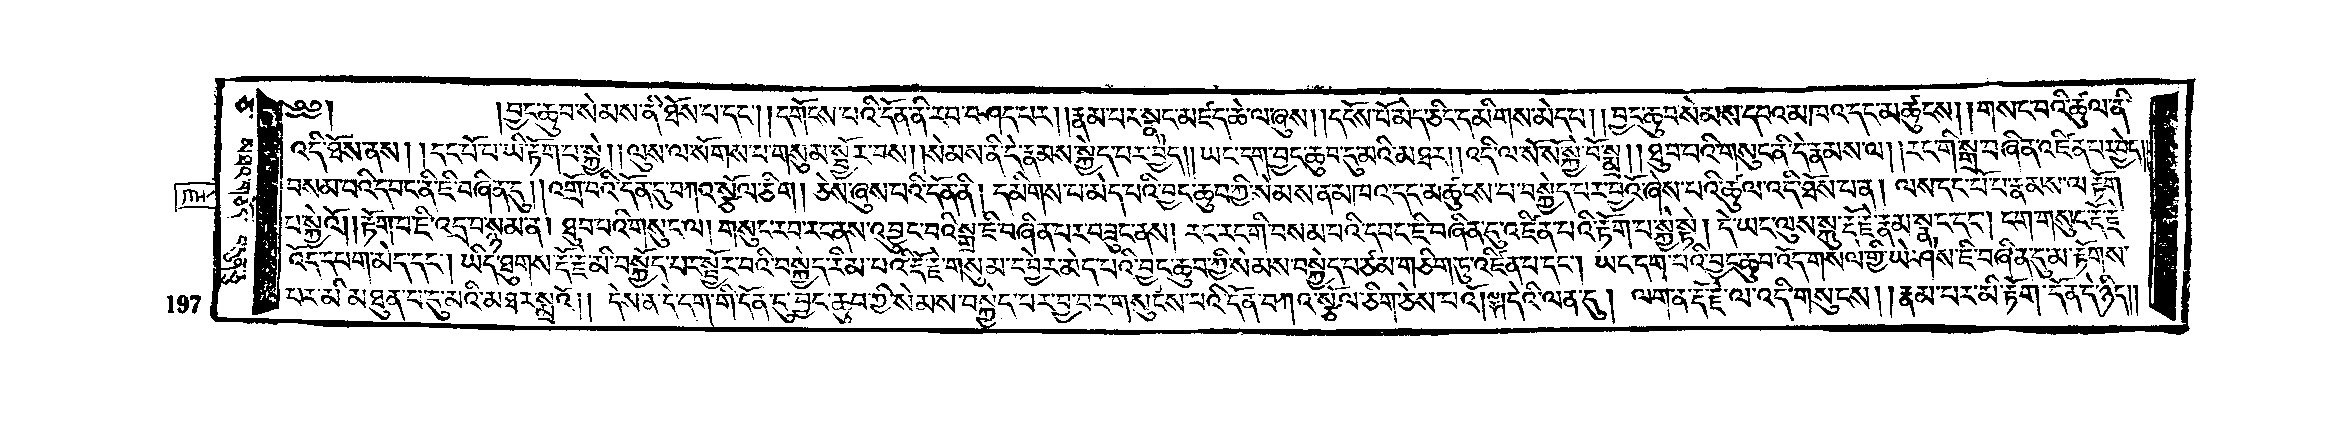༄༅། །བྱང་ཆུབ་སེམས་ནི་ཐོས་པ་དང་། །དགོངས་པའི་དོན་ནི་རབ་བཤད་པར། །རྣམ་པར་སྣང་མཛད་ཆེ་ལ་ཞུས། །དངོས་པོ་མེད་ཅིང་དམིགས་མེད་པ། །བྱང་ཆུབ་སེམས་དཔའ་མཁའ་དང་མཚུངས། །གསང་བའི་ཚུལ་ནི་
འདི་ཐོས་ནས། །དང་པོ་པ་ཡི་རྟོག་པ་སྐྱེ། །ལུས་ལ་སོགས་པ་གསུམ་སྦྱོར་བས། །སེམས་ནི་དེ་རྣམས་སྐྱེད་པར་བྱེད། །ཡང་དག་བྱང་ཆུབ་དུ་མའི་མཐར། །འདི་ལ་སོ་སོ་སྐྱེ་བོ་སྨྲ། །ཐུབ་པའི་གསུང་ནི་དེ་རྣམས་ལ། །རང་གི་སྒྲ་བཞིན་འཛིན་པར་བྱེད། །
བསམ་པའི་དབང་ནི་ཇི་བཞིན་དུ། །འགྲོ་བའི་དོན་དུ་བཀའ་སྩོལ་ཅིག །ཅེས་ཞུས་པའི་དོན་ནི། དམིགས་པ་མེད་པའི་བྱང་ཆུབ་ཀྱི་སེམས་ནམ་མཁའ་དང་མཚུངས་པ་བསྐྱེད་པར་བྱའོ་ཞེས་པའི་ཚུལ་འདི་ཐོས་པ་ན། ལས་དང་པོ་པ་རྣམས་ལ་རྟོག་
པ་སྐྱེའོ། །རྟོག་པ་ཇི་འདྲ་བ་སྙམ་ནི། ཐུབ་པའི་གསུང་ལ། གསུང་རབ་རང་ནས་འབྱུང་བའི་སྒྲ་ཇི་བཞིན་པར་བཟུང་ནས། རང་རང་གི་བསམ་པའི་དབང་ཇི་བཞིན་དུ་འཛིན་པའི་རྟོག་པ་སྐྱེ་སྟེ། དེ་ཡང་ལུས་སྐུ་རྡོ་རྗེ་རྣམ་སྣང་དང་། ངག་གསུང་རྡོ་རྗེ་
འོད་དཔག་མེད་དང་། ཡིད་ཐུགས་རྡོ་རྗེ་མི་བསྐྱོད་པར་སྦྱོར་བའི་བསྐྱེད་རིམ་པའི་རྡོ་རྗེ་གསུམ་དབྱེར་མེད་པའི་བྱང་ཆུབ་ཀྱི་སེམས་བསྐྱེད་པ་ཙམ་གཅིག་ཏུ་འཛིན་པ་དང་། ཡང་དག་པའི་བྱང་ཆུབ་འོད་གསལ་གྱི་ཡེ་ཤེས་ཇི་བཞིན་དུ་མ་རྟོགས་
པར་མི་མཐུན་པ་དུ་མའི་མཐར་སྨྲའོ། །དེས་ན་དེ་དག་གི་དོན་དུ་བྱང་ཆུབ་ཀྱི་སེམས་བསྐྱེད་པར་བྱ་བར་གསུངས་པའི་དོན་བཀའ་སྩོལ་ཅིག་ཅེས་པའོ། ༈ །དེའི་ལན་དུ། ལག་ན་རྡོ་རྗེ་ལ་འདི་གསུངས། །རྣམ་པར་མི་རྟོག་དོན་དེ་ཉིད། །